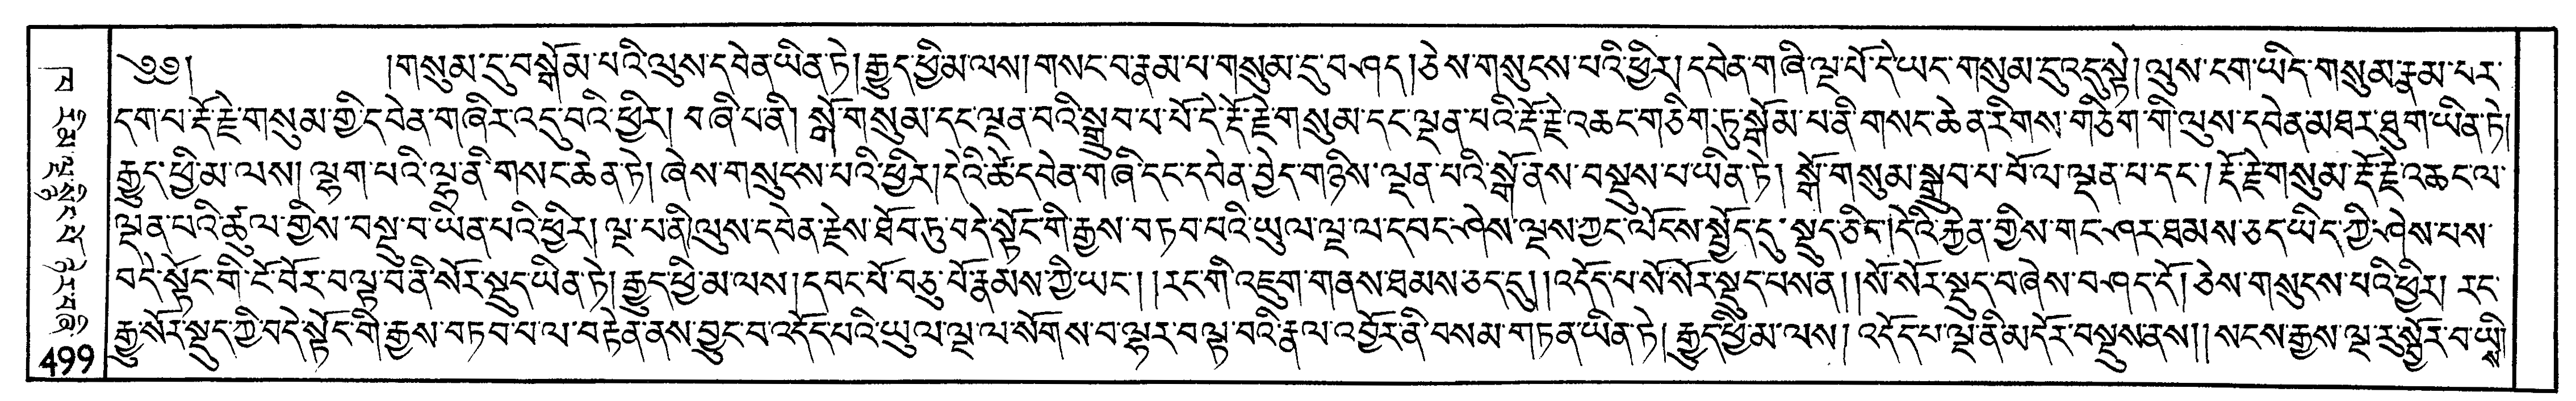༄༅། །གསུམ་དུ་བསྒོམ་པའི་ལུས་དབེན་ཡིན་ཏེ། རྒྱུད་ཕྱི་མ་ལས། གསང་བ་རྣམ་པ་གསུམ་དུ་བཤད། ཅེས་གསུངས་པའི་ཕྱིར། དབེན་གཞི་ལྔ་པོ་དེ་ཡང་གསུམ་དུ་འདུ་སྟེ། ལུས་ངག་ཡིད་གསུམ་རྣམ་པར་
དག་པ་རྡོ་རྗེ་གསུམ་གྱི་དབེན་གཞིར་འདུ་བའི་ཕྱིར། བཞི་པ་ནི། སྒོ་གསུམ་དང་ལྡན་པའི་སྒྲུབ་པ་པོ་དེ་རྡོ་རྗེ་གསུམ་དང་ལྡན་པའི་རྡོ་རྗེ་འཆང་གཅིག་ཏུ་སྒོམ་པ་ནི་གསང་ཆེན་རིགས་གཅིག་གི་ལུས་དབེན་མཐར་ཐུག་ཡིན་ཏེ།
རྒྱུད་ཕྱི་མ་ལས། ལྷག་པའི་ལྷ་ནི་གསང་ཆེན་ཏེ། ཞེས་གསུངས་པའི་ཕྱིར། དེའི་ཚེ་དབེན་གཞི་དང་དབེན་བྱེད་གཉིས་ལྡན་པའི་སྒོ་ནས་བསྡུས་པ་ཡིན་ཏེ། སྒོ་གསུམ་སྒྲུབ་པ་པོ་ལ་ལྡན་པ་དང་། རྡོ་རྗེ་གསུམ་རྡོ་རྗེ་འཆང་ལ་
ལྡན་པའི་ཚུལ་གྱིས་བསྡུ་བ་ཡིན་པའི་ཕྱིར། ལྔ་པ་ནི། ལུས་དབེན་རྗེས་ཐོབ་ཏུ་བདེ་སྟོང་གི་རྒྱས་བཏབ་པའི་ཡུལ་ལྔ་ལ་དབང་ཤེས་ལྔས་ཀྱང་ལོངས་སྤྱོད་དུ་སྡུད་ཅིང་། དེའི་རྐྱེན་གྱིས་གང་ཤར་ཐམས་ཅད་ཡིད་ཀྱི་ཤེས་པས་
བདེ་སྟོང་གི་ངོ་བོར་བལྟ་བ་ནི་སོར་སྡུད་ཡིན་ཏེ། རྒྱུད་ཕྱི་མ་ལས། དབང་པོ་བཅུ་པོ་རྣམས་ཀྱི་ཡང་། །རང་གི་འཇུག་གནས་ཐམས་ཅད་དུ། །འདོད་པ་སོ་སོར་སྡུད་པས་ན། །སོ་སོར་སྡུད་པ་ཞེས་བཤད་དོ། ཅེས་གསུངས་པའི་ཕྱིར། རང་
རྒྱུ་སོར་སྡུད་ཀྱི་བདེ་སྟོང་གི་རྒྱས་བཏབ་པ་ལ་བརྟེན་ནས་བྱུང་བ་འདོད་པའི་ཡུལ་ལྔ་ལ་སོགས་པ་ལྷར་བལྟ་བའི་རྣལ་འབྱོར་ནི་བསམ་གཏན་ཡིན་ཏེ། རྒྱུད་ཕྱི་མ་ལས། འདོད་པ་ལྔ་ནི་མདོར་བསྡུས་ནས། །སངས་རྒྱས་ལྔ་རུ་སྦྱོར་བ་ཡིས།